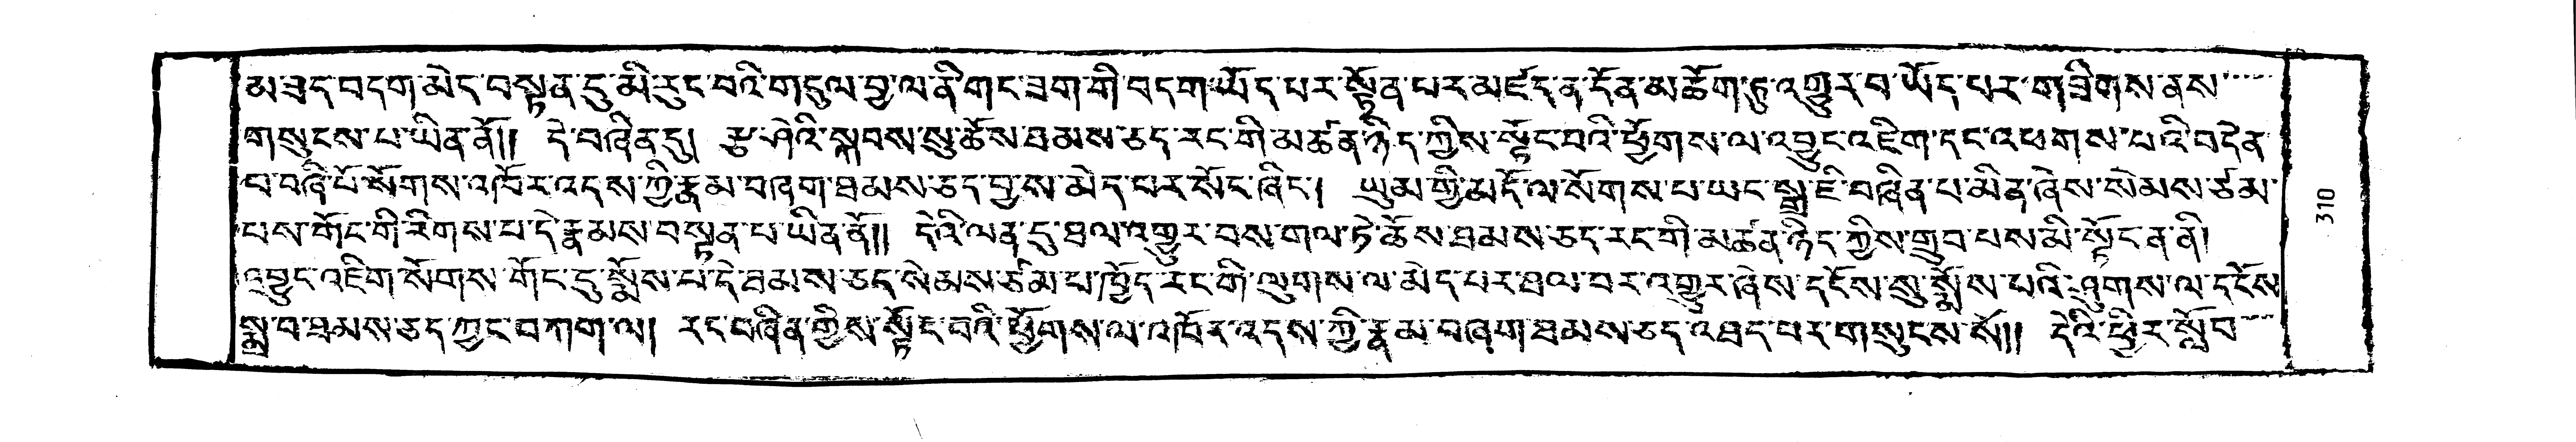མ་ཟད་བདག་མེད་བསྟན་དུ་མི་རུང་བའི་གདུལ་བྱ་ལ་ནི་གང་ཟག་གི་བདག་ཡོད་པར་སྟོན་པར་མཛད་ན་དོན་མཆོག་ཏུ་འགྱུར་བ་ཡོད་པར་གཟིགས་ནས་
གསུངས་པ་ཡིན་ནོ། །དེ་བཞིན་དུ། རྩ་ཤེའི་སྐབས་སུ་ཆོས་ཐམས་ཅད་རང་གི་མཚན་ཉིད་ཀྱིས་སྟོང་པའི་ཕྱོགས་ལ་འབྱུང་འཇིག་དང་འཕགས་པའི་བདེན་
པ་བཞི་པོ་སོགས་འཁོར་འདས་ཀྱི་རྣམ་བཞག་ཐམས་ཅད་བྱས་མེད་པར་སོང་ཞིང་། ཡུམ་གྱི་མདོ་ལ་སོགས་པ་ཡང་སྒྲ་ཇི་བཞིན་པ་མིན་ཞེས་སེམས་ཙམ་
པས་གོང་གི་རིགས་པ་དེ་རྣམས་བསྟན་པ་ཡིན་ནོ། །དེའི་ལན་དུ་ཐལ་འགྱུར་བས་གལ་ཏེ་ཆོས་ཐམས་ཅད་རང་གི་མཚན་ཉིད་ཀྱིས་གྲུབ་པས་མི་སྟོང་ན་ནི།
འབྱུང་འཇིག་སོགས་གོང་དུ་སྨོས་པ་དེ་ཐམས་ཅད་སེམས་ཙམ་པ་ཁྱོད་རང་གི་ལུགས་ལ་མེད་པར་ཐལ་བར་འགྱུར་ཞེས་དངོས་སུ་སྨོས་པའི་ཤུགས་ལ་དངོས་
སྨྲ་བ་ཐམས་ཅད་ཀྱང་བཀག་ལ། རང་བཞིན་གྱིས་སྟོང་པའི་ཕྱོགས་ལ་འཁོར་འདས་ཀྱི་རྣམ་བཞག་ཐམས་ཅད་འཐད་པར་གསུངས་སོ། །དེའི་ཕྱིར་སློབ་